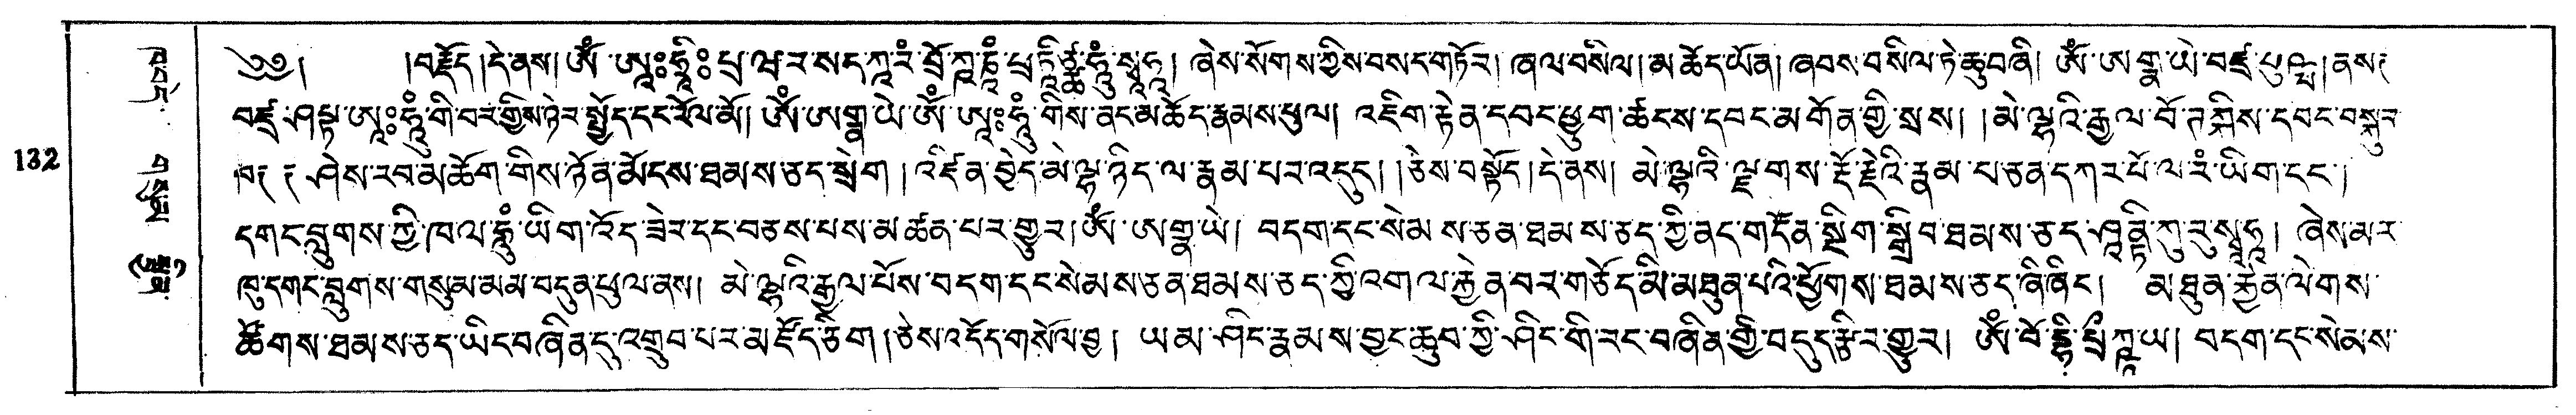༄༅། །བརྗོད། དེ་ནས། ཨོཾ་ཨཱཿ ཧྲཱིཿ པྲ་ཝ་ར་སད་ཀཱ་རཾ་བྲོ་ཀྵ་ཎཱཾ་པྲ་ཏཱི་ཙྪ་ཧཱུཾ་སྭཱཧཱ། ཞེས་སོགས་ཀྱིས་བསང་གཏོར། ཞལ་བསིལ། མཆོད་ཡོན། ཞབས་བསིལ་ཏེ་ཆུ་བཞི། ཨོཾ་ཨགན་ཡེ་བཛྲ་པུཥྤ། ནས༑
བཛྲ་ཤཔྟ་ཨཱཿ ཧཱུཾ་གི་བར་གྱིས་ཉེར་སྤྱོད་དང་རོལ་མོ། ཨོཾ་ཨགན་ཡེ་ཨོཾ་ཨཱཿ ཧཱུཾ་གིས་ནང་མཆོད་རྣམས་ཕུལ། འཇིག་རྟེན་དབང་ཕྱུག་ཚངས་དབང་མགོན་གྱི་སྲས། །མེ་ལྷའི་རྒྱལ་བོ་ཊྐྐིས་དབང་བསྐུར་
བ༑ ༑ཤེས་རབ་མཆོག་གིས་ཉོན་མོངས་ཐམས་ཅད་སྲེག །འཛིན་བྱེད་མེ་ལྷ་ཉིད་ལ་རྣམ་པར་འདུད། །ཅེས་བསྟོད། དེ་ནས། མེ་ལྷའི་ལྗགས་རྡོ་རྗེའི་རྣམ་པ་ཅན་དཀར་པོ་ལ་རཾ་ཡིག་དང་།
དགང་བླུགས་ཀྱི་ཁལ་ཧཱུཾ་ཡིག་འོད་ཟེར་དང་བཅས་པས་མཚན་པར་གྱུར། ཨོཾ་ཨགན་ཡེ། བདག་དང་སེམས་ཅན་ཐམས་ཅད་ཀྱི་ནད་གདོན་སྡིག་སྒྲིབ་ཐམས་ཅད་ཤཱནྟི་ཀུ་རུ་སྭཱ་ཧཱ། ཞེས་མར་
ཁུ་དགང་བླུགས་གསུམ་མམ་བདུན་ཕུལ་ནས། མེ་ལྷའི་རྒྱལ་པོས་བདག་དང་སེམས་ཅན་ཐམས་ཅད་ཀྱི་འགལ་རྐྱེན་བར་གཅོད་མི་མཐུན་པའི་ཕྱོགས་ཐམས་ཅད་ཞི་ཞིང་། མཐུན་རྐྱེན་ལེགས་
ཚོགས་ཐམས་ཅད་ཡིད་བཞིན་དུ་འགྲུབ་པར་མཛོད་ཅིག །ཅེས་འདོད་གསོལ་བྱ། ཡམ་ཤིང་རྣམས་བྱང་ཆུབ་ཀྱི་ཤིང་གི་རང་བཞིན་གྱི་བདུད་རྩིར་གྱུར། ཨོཾ་བོ་དྷི་པྲྀ་ཀྵཱ་ཡ། བདག་དང་སེམས་